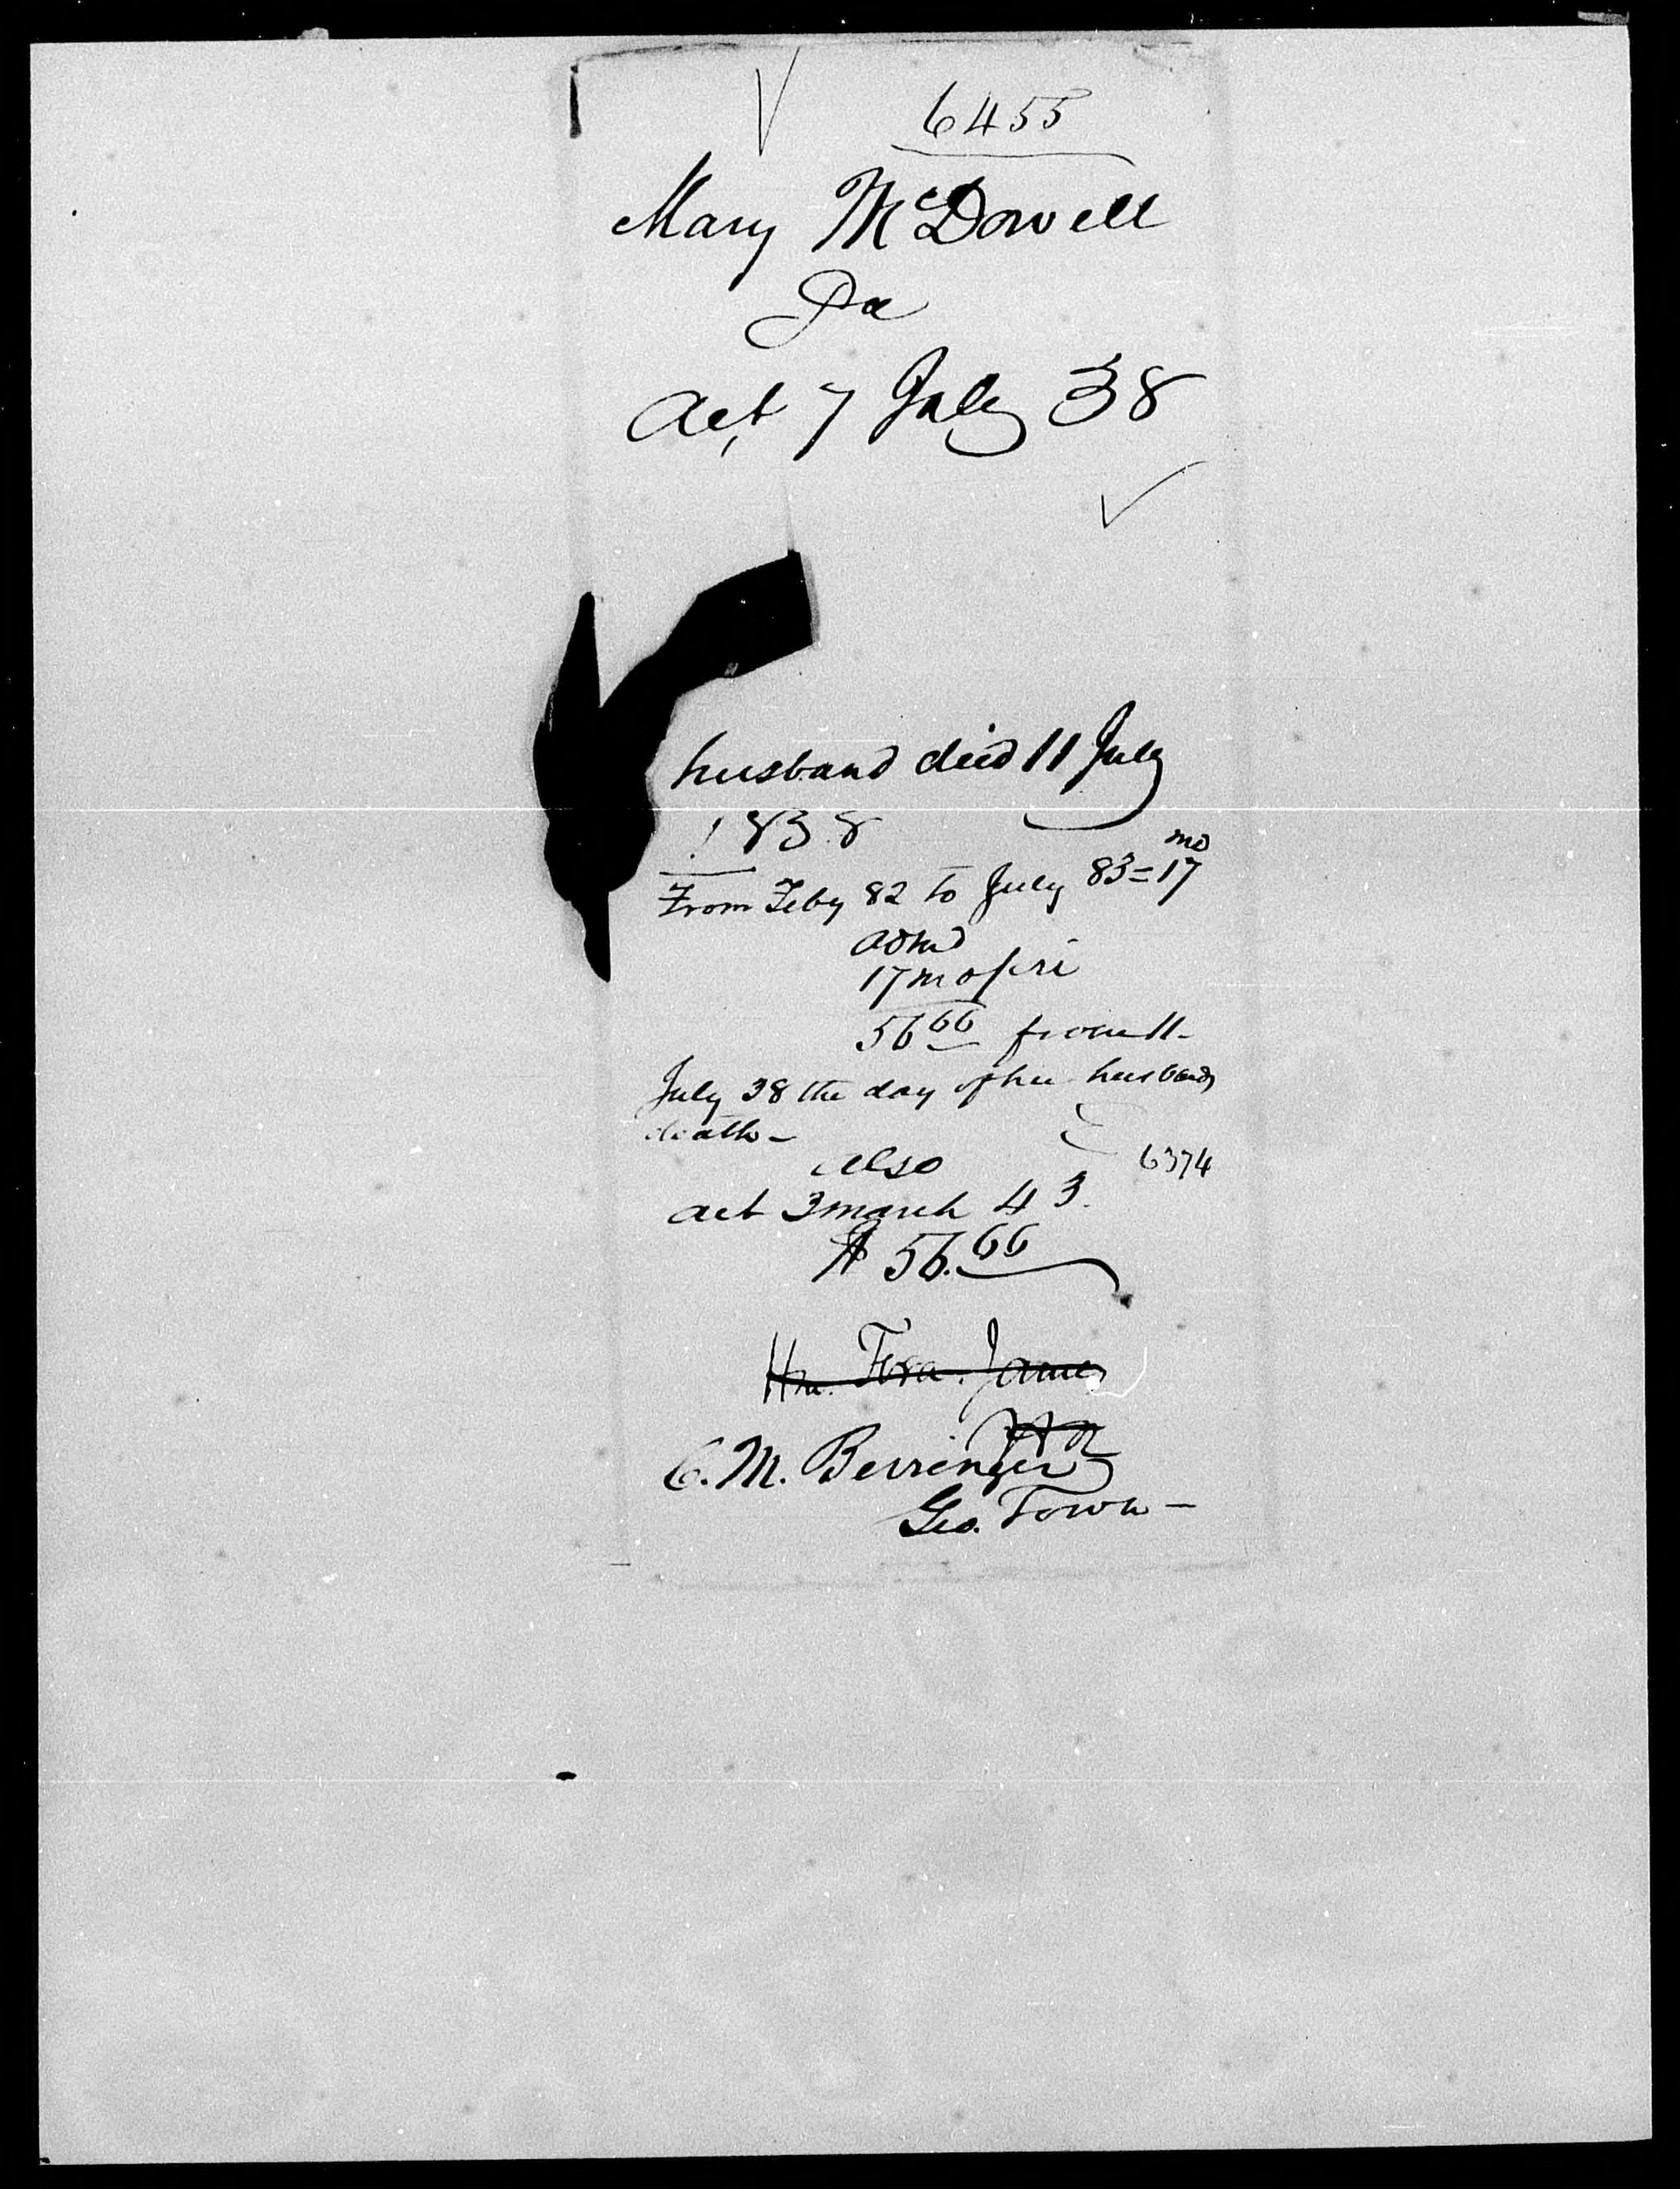6455

Mary McDowell
Pa
Act 7 July '38

Husband died 11 July 1838
From Feby 82 to July 83 = 17 MD
Adm
17 Mo/Pri
56.66 from 11
July 38 the day of her husband's death
Also
Act 3 March '43
$56.66

Hon Fra James (crossed out)
C.M. Berringer
Geo. Town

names: C M Berringer; Mary Mc Dowell; Fra James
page: 4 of 63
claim: widow's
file: W 2957, for Thomas Mc Dowell, Maryland